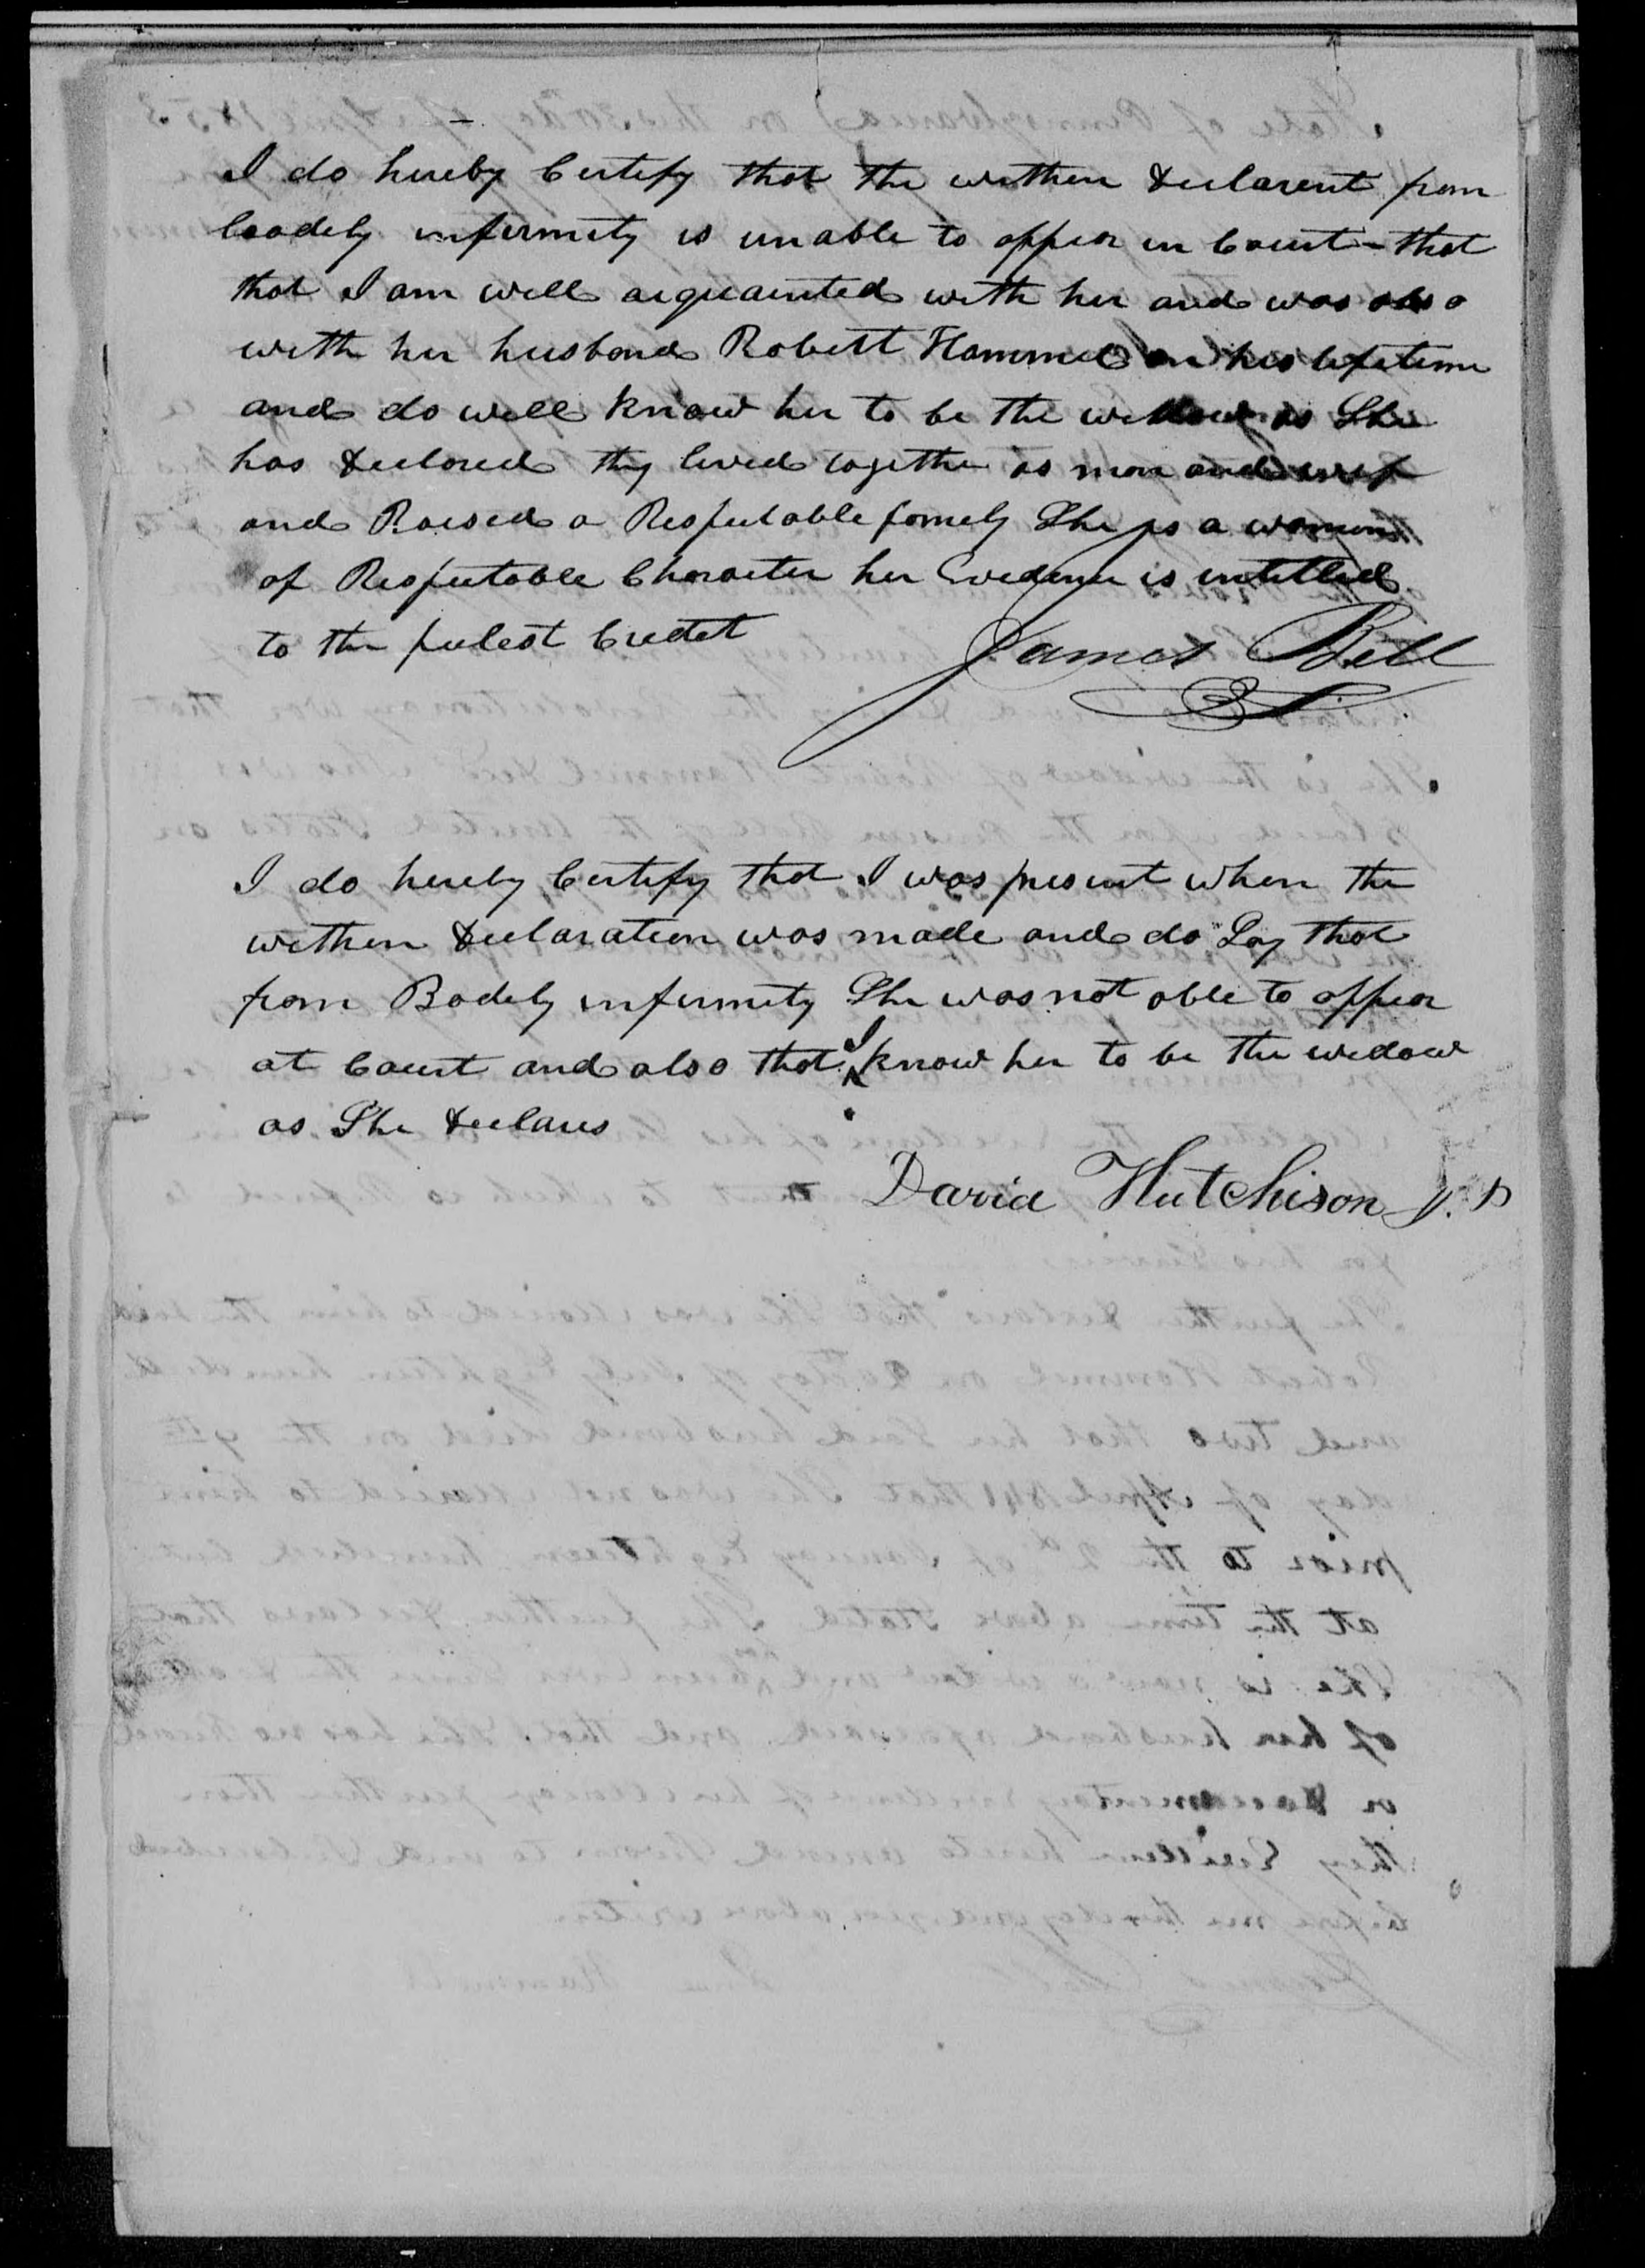I do hereby certify that the within declarant from bodily infirmity is unable to appear in court in that I am well acquainted with her and was also with her husband Robert Hammel in his lifetime and as well know her to be widow as she has declared they lived together as man and wife and raised a respectable family. She is a woman of reputable character her evidence is entitled to the fullest credit.  James Bell, Esq. [?]

I do hereby certify that I was present when the written declaration was made and do say that from bodily infirmity she was not able to appear at court and also that [inserted] I know her to be the widow as she declares.  David Hutchison  [JP?]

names: Robert Hammel, David Hutchison, James Bell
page: 17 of 92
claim: widow's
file: W 1173, Robert Hamill, Penn.